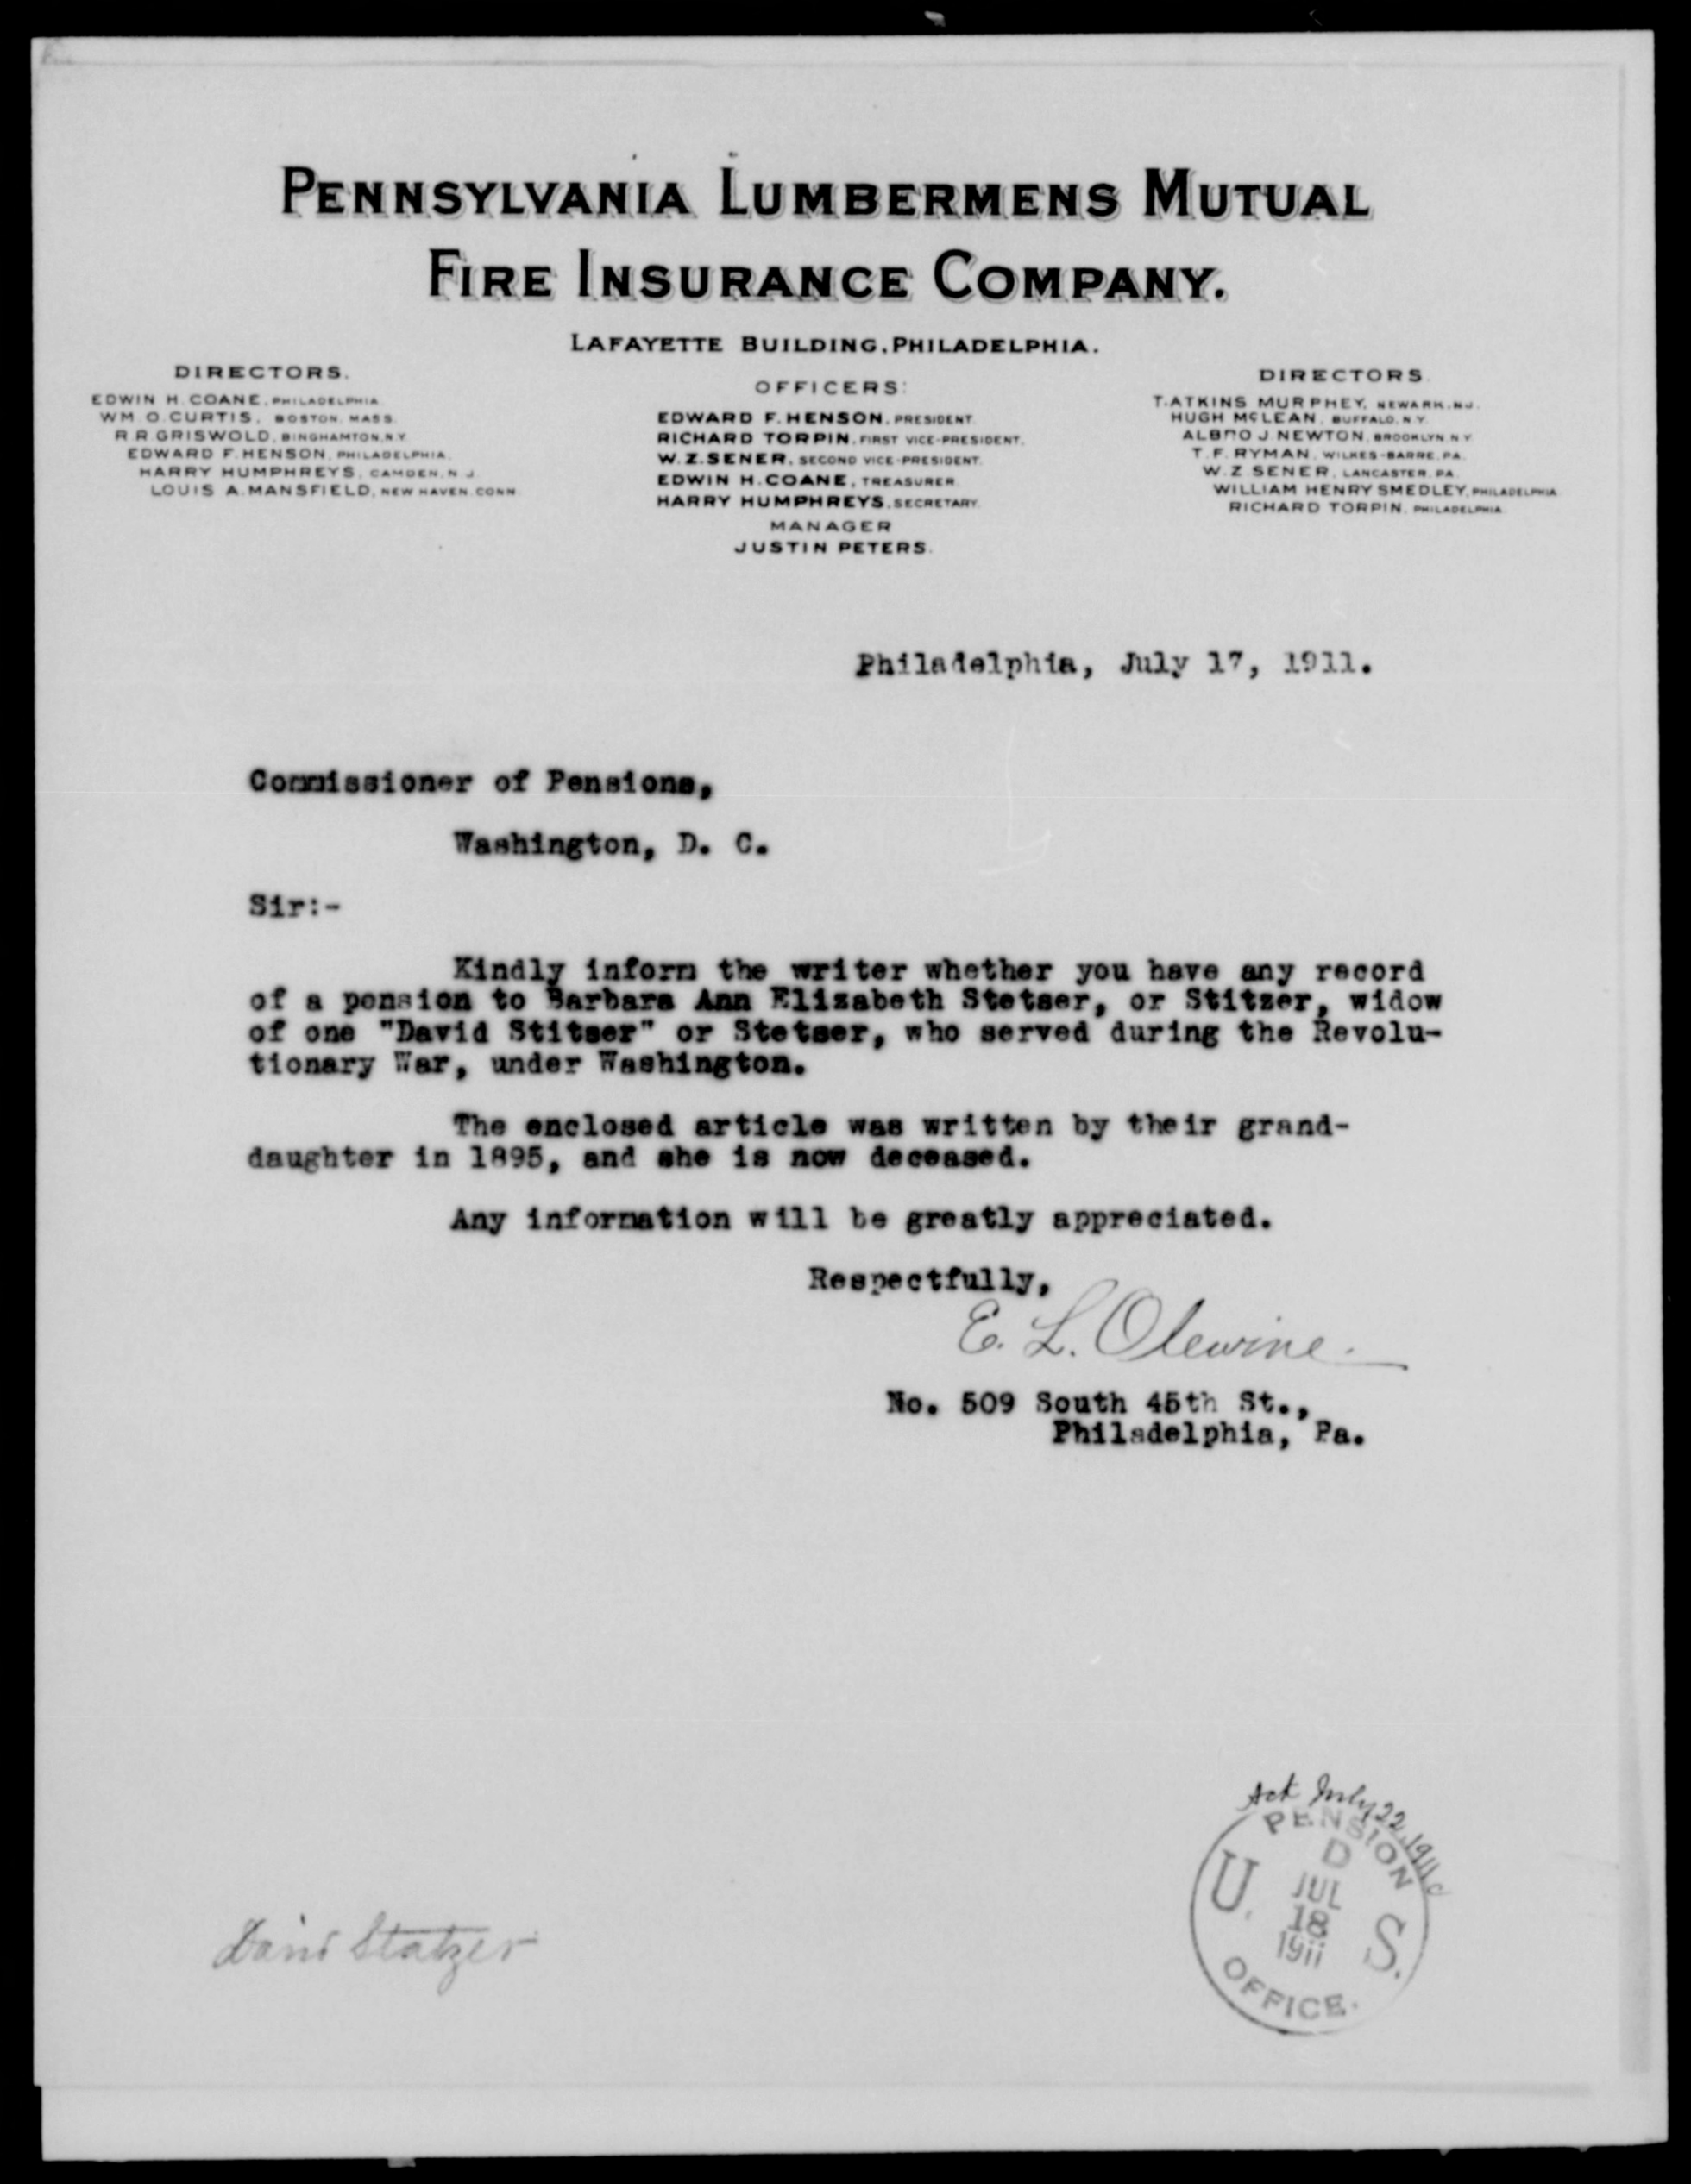PENNSYLVANIA LUMBERMENS MUTUAL
FIRE INSURANCE COMPANY.
LAFAYETTE BUILDING PHILADELPHIA.
DIRECTORS
EDWIN H COANES, Philadelphia
WM O CURTIS, BOSTON MASS
R R GRISWOLD BINGHAMTON, N.Y.
EDWARD F HENSON PHILADELPHIA
HARRY HUMPHREYS CAMDEN, N.J.
LOUIS A MANSFIELD, NEW HAVEN CONN

OFFICERS
EDWARD F. HENSON, PRESIDENT
RICHARD TORPIN FORST VICE_PRESIDENT
W. Z. SENER, SECOND VICE-PRESIDENT
EDWIN H. COANE, TREASURES
HARRY HUMPHREYS SECRETARY
MANAGER
JUSTIN PETERS
DIRECTORS
T ATKINS MURPHEY NEWARK N.J.
HUGH McLEAN BUFFALO N.Y
ALBRO J NEWTON BROOKLY NY
T.F. RYMAN WILKES-BARRE  PA
W. Z. SENER LANCASTER PA
WILLIAM HENRY SMEDLEY PHILADELPHIA
RICHARD TORPIN PHILADELPHIA
Philadelphia,  July 17, 1911.
Commissioner of Pensions,
Washington, D. C.

Sir:-Kindly inform the writer whether you have any record of a pension to BArbars Ann Elizabeth Stetser or Stitzer, widow of one "David Stitser or Stetser, who served during the Revolutionary War, under Washington.
The enclosed article was written by their granddaughter in 1895, and she is now deceased.
Any information will be greatly appreciated.
Respectfully,
E. L. Olewine
No. 509 South 45th St.,
Philadelphia, Pa.
David Statzer

STAMP
Act Jul 22,1911
PENSION OFFICE
JUL 18 1911
U S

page: 28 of 28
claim: widow's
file: W. 3163, for David Statser, Pennsylvania